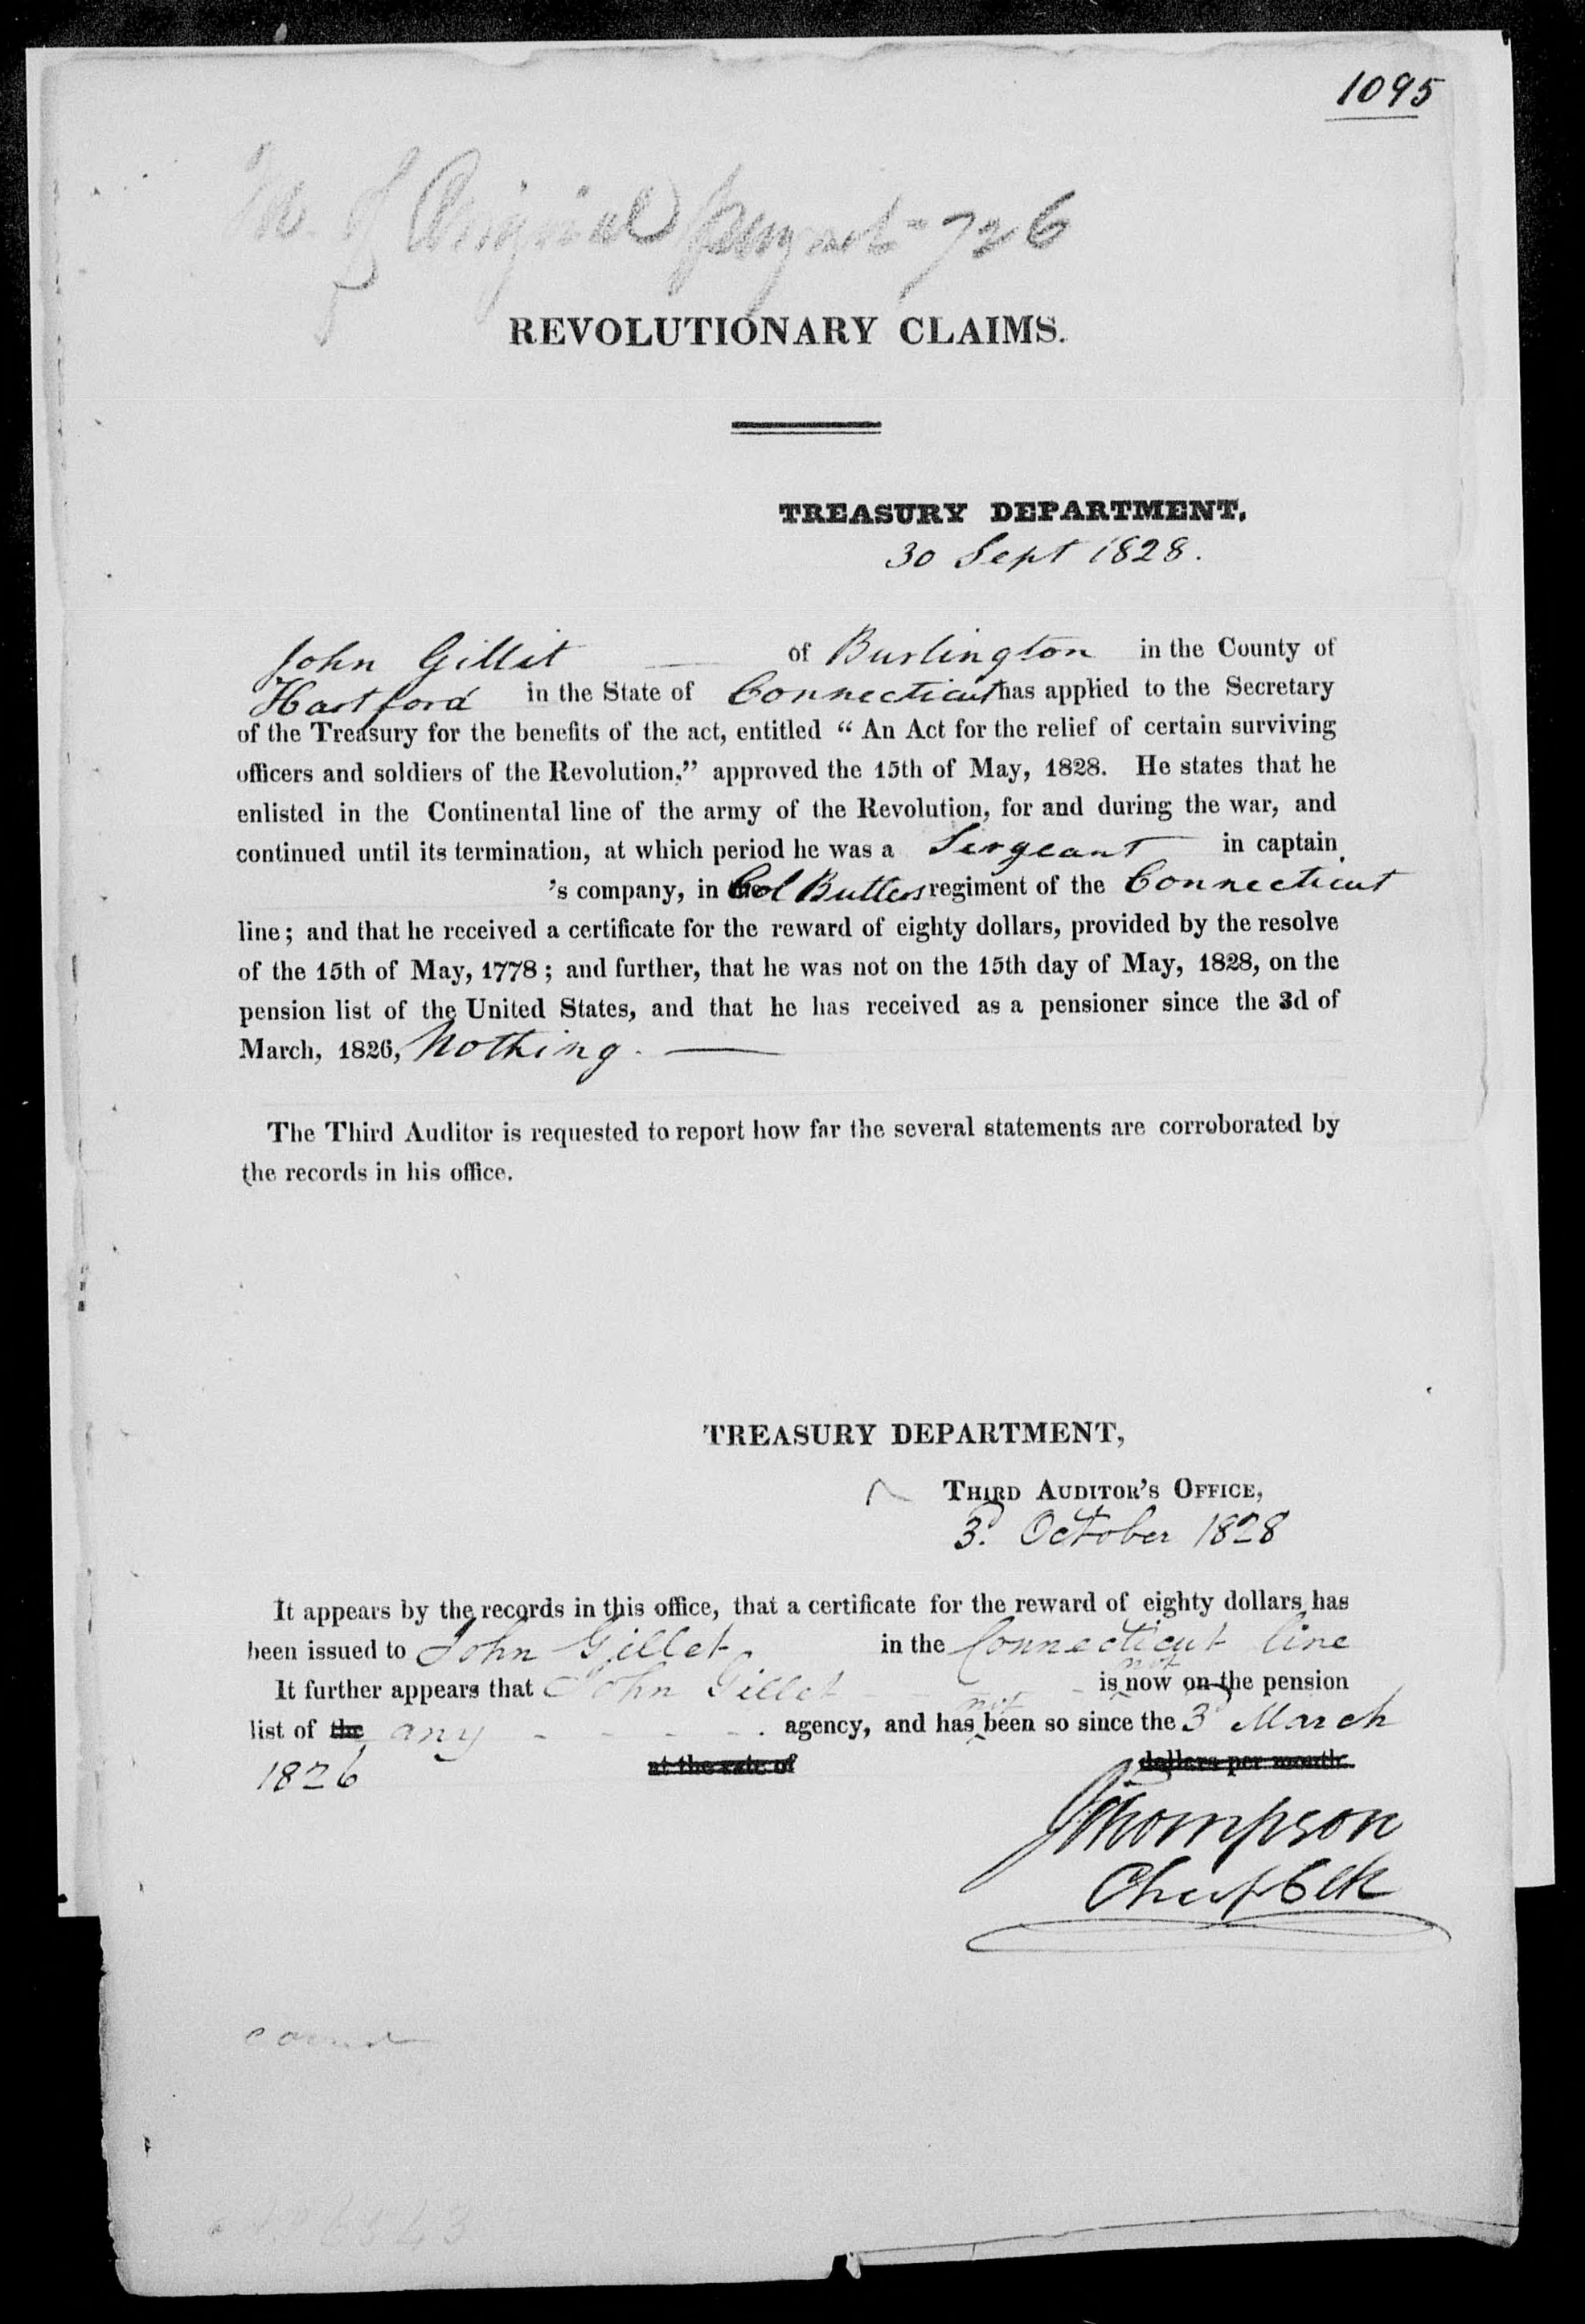1095

 [Illegible abbreviation] of original Pay Roll -726
                REVOLUTIONARY CLAIMS.
                           ____________

                               TREASURY DEPARTMENT,
                                              30 Sept 1828.

John Gillet of Burlington in the County of
Hartford in the State of Connecticut has applied to the Secretary of the Treasury for the benefits of the act, entitled "An Act for the relief of certain surviving officers and soldiers of the Revolution," approved the 15th of May,
1828. He states that he enlisted in the Continental line of the army of the Revolution, for and during the war, and continued until its termination, at which period he was a Sergeant in captain            's company, in Col. Butlers regiment of the Connecticut line; and that he received a certificate for the reward of eighty dollars, provided by the resolve of the 15th of May, 1778; and further, that he was not on the 15th day of May, 1828, on the pension list of the United States, and that he has received as a pensioner since the 2d of March, 1826, Nothing. -

The Third Auditor is requested to report how far the several statements are corroborated by the records of his office.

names: John Gillet, John Gillit, J Thompson, John Gillet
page: 22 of 40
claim: survivor's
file: S. 36,537 And R. 4034, John Gillet, Conn.